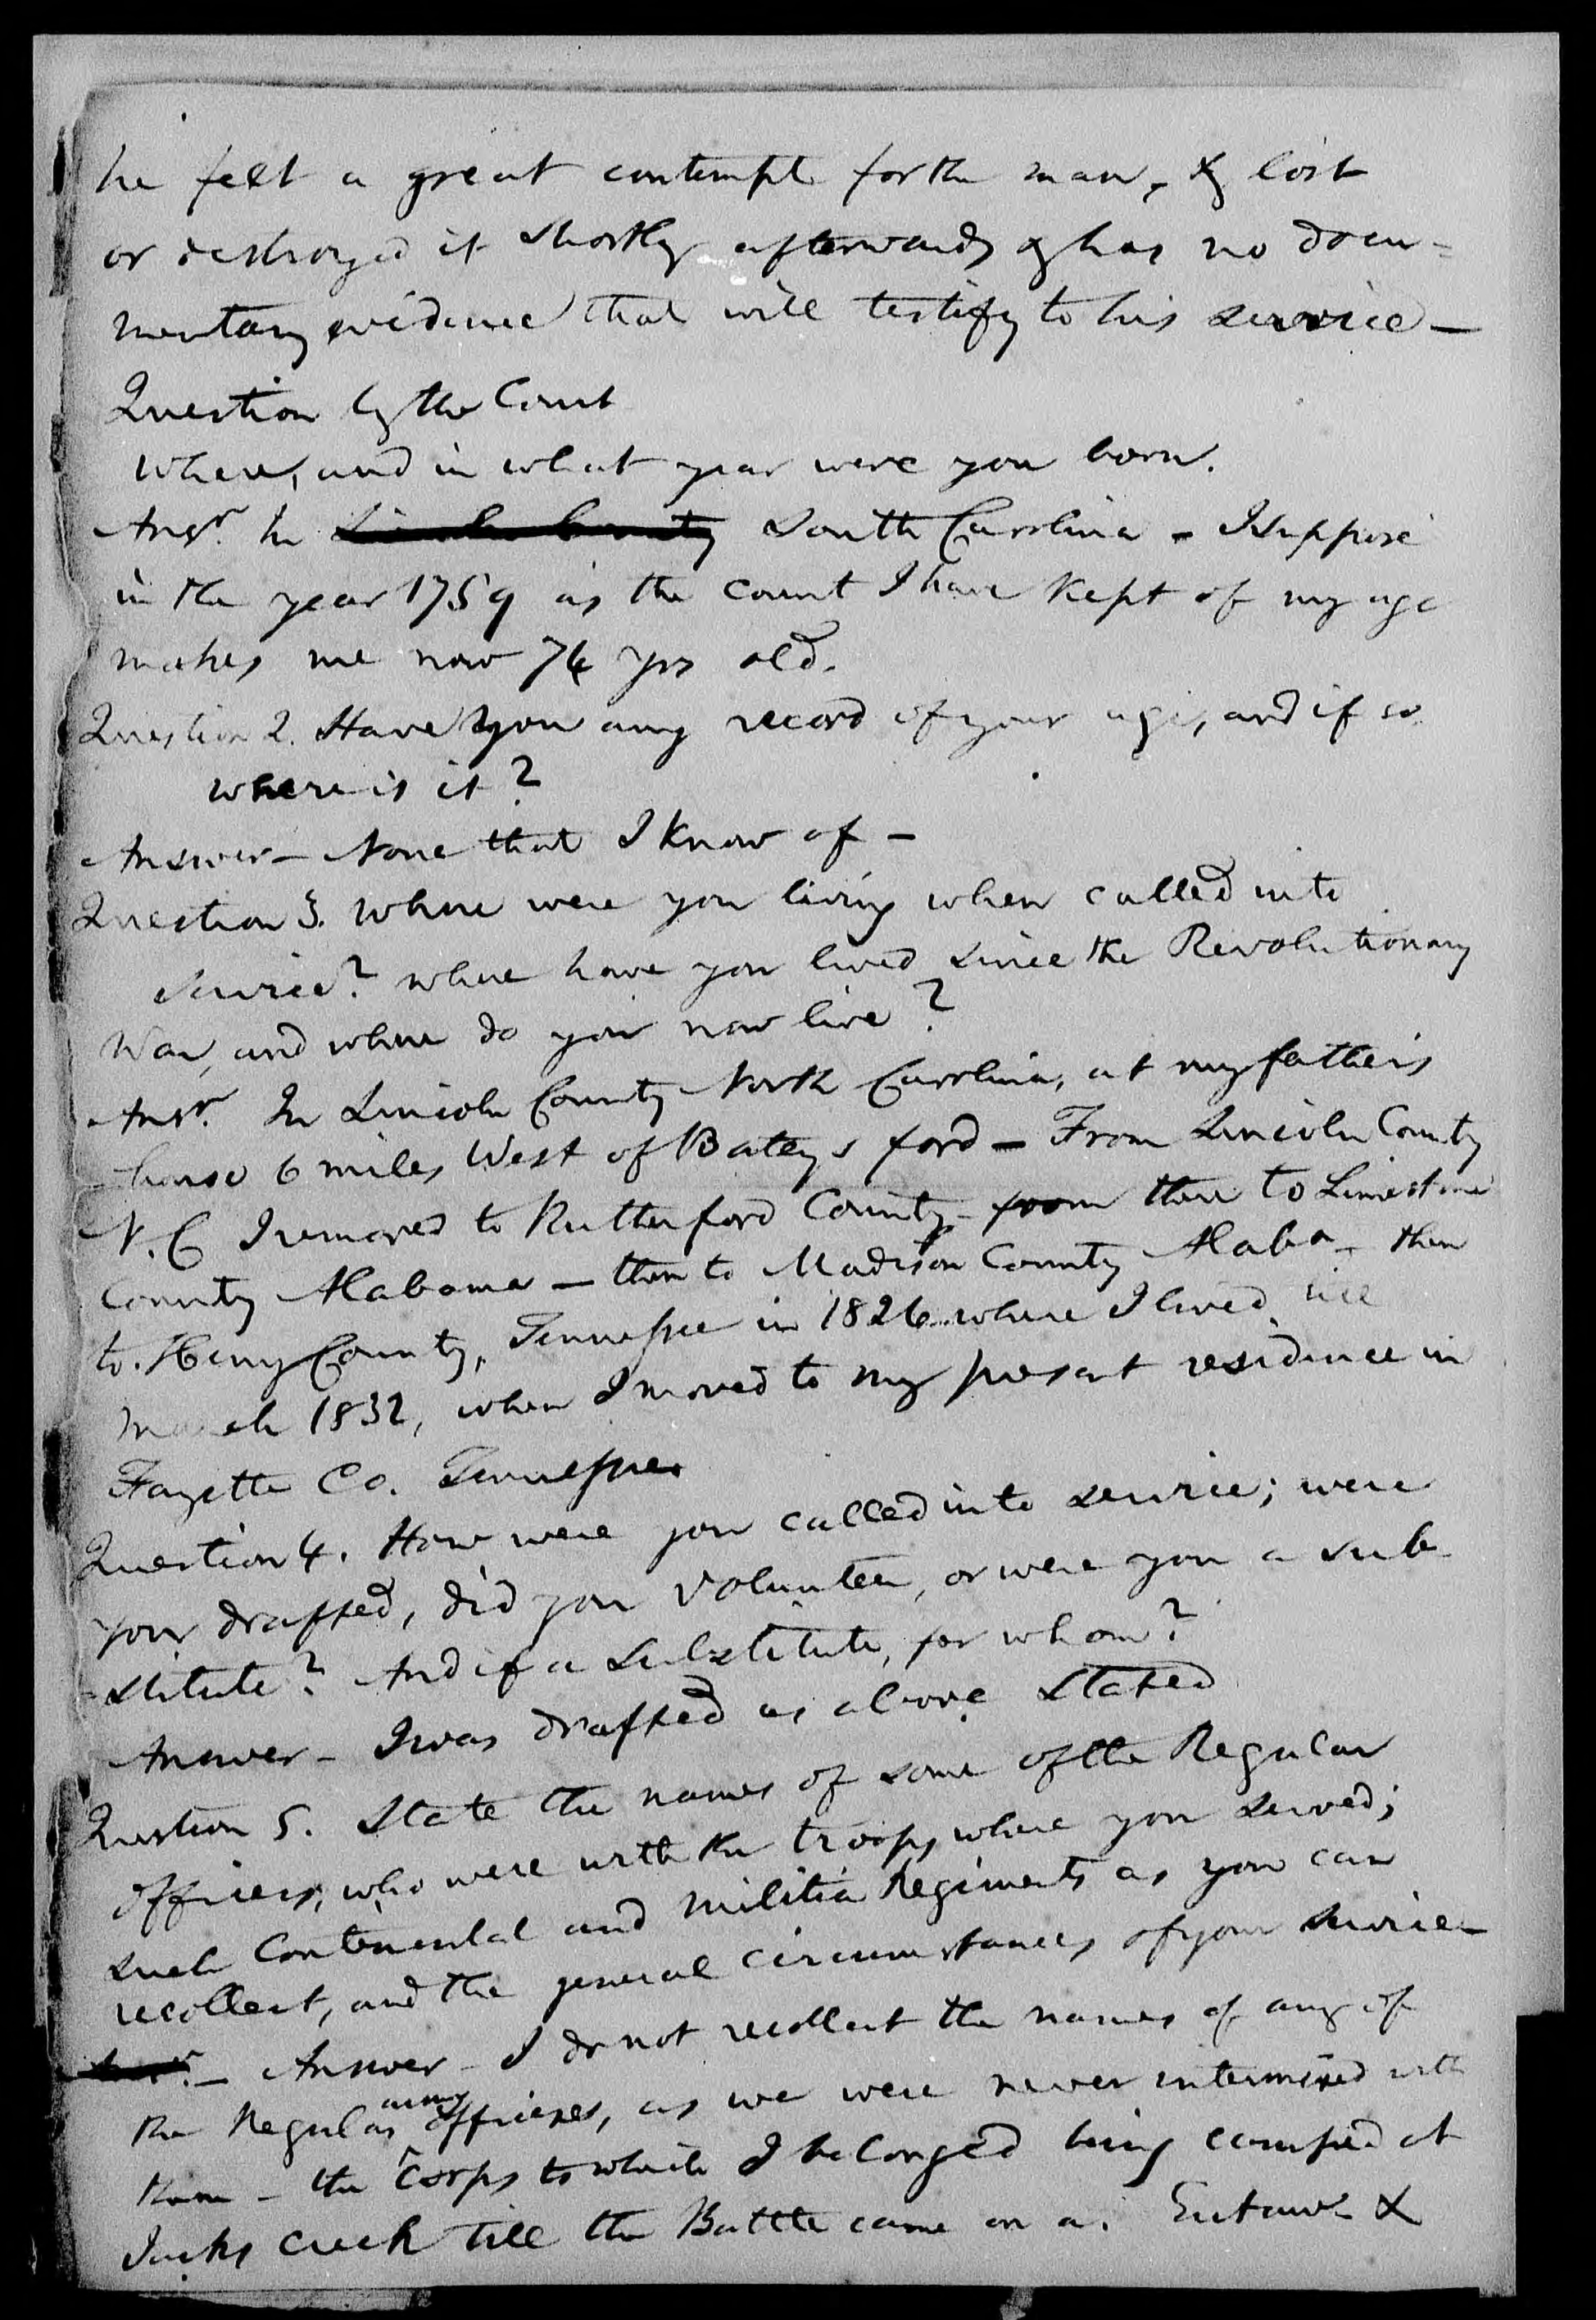he felt a great contempt for the man, & lost or destroyed it shortly afterwards & has no documentary evidence that will testify to his service.
Questions by the Court
1. when, and in what year were you born? Ans. In South Carolina - I suppose in the year 1759, as the count I have kept of my age makes me now 74 years old.
Question 2. Have you any record of your age, and if so, where is it? Answer - none that I know of
Question 3. where were you living when called into service? Where have you lived since the Revolutionary War, and where do you now live? Ansr. In Lincoln County, North Carolina, at my father's house six miles West of Bateys Ford. From Lincoln County, N.C. I removed to Rutherford County- from thence to Limestone County, Alabama, then to Henry County, Tennessee in 1826, where I lived till March 1832, when I moved to my present residence in Fayette Co. Tennessee.
Question 4. How were you called into service; were you drafted, did you volunteer, or were you a substitute, and if a substitute, for whom? Answer - I was drafted as above stated.
Question 5. State the names of some of the Regular officers who were with the troops where you served; such continental and militia Regiments as you can recollect, and the general circumstances of your service. Answer - I do not recollect the names of any of the regular army officers, as we were never intermixed with them-- the corps to which I belonged being camped at Jacks Creek till the Battle came on at Eutaw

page: 17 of 33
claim: rejected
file: R 10439, for William Taylor, North Carolina